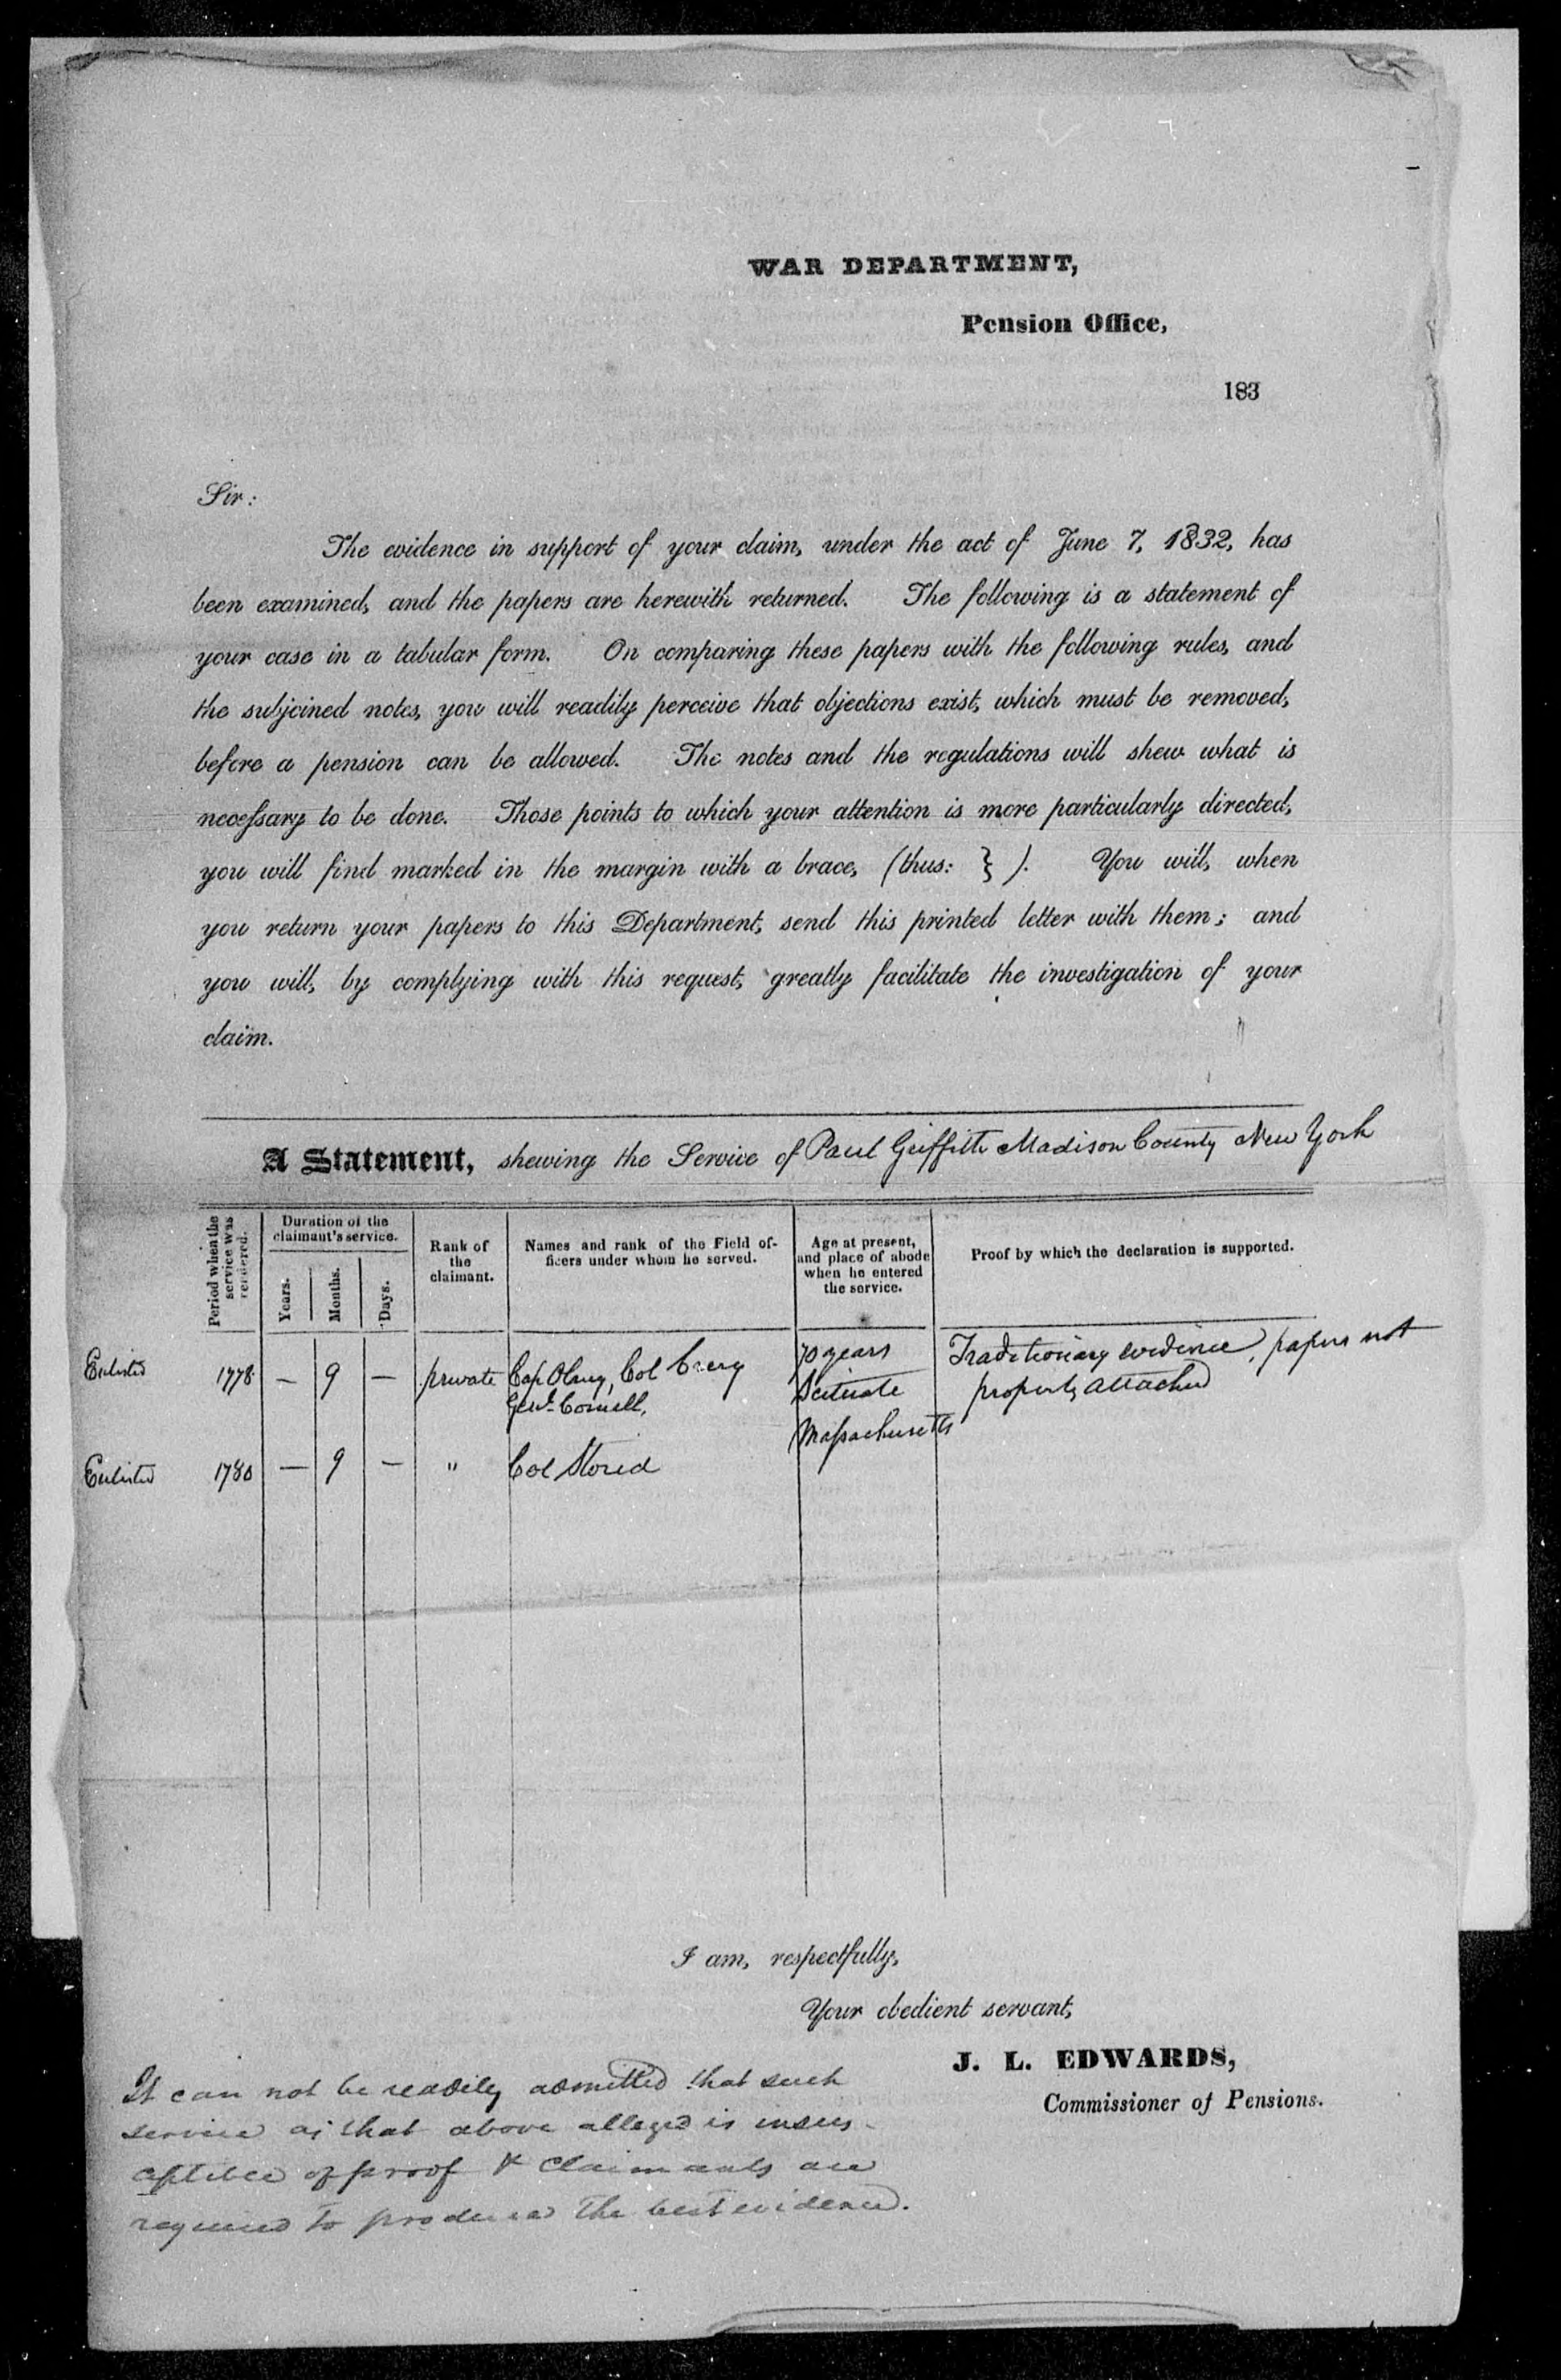WAR DEPARTMENT, Pension Office, 183 Sir: The evidence in support of your claim, under the act of June 7, 1832, has been examined, and the papers are herewith returned. The following is a statement of your case in a tabular form. On comparing these papers with the following rules, and the subjoined notes, you will readily perceive that objections exist, which must be removed, before a pension can be allowed. The notes and the regulations will shew what is necessary to be done. Those points to which your attention is more particularly directed, you will find marked in the margin with a brace, (thus: }). You will, when you return your papers to this Department, send this printed letter with them; and you will by complying with this request, greatly facilitate the investigation of your claim.
A Statement, shewing the Service of Paul Griffith Madison County New York
Period when the service was rendered. Enlisted 1778, Enlisted 1780. Duration of the Claimant's service. Years -, -. Months. 9, 9. Days. -, -. Rank of the Claimant. private, ". Names and rank of the field officers under whom he served. Cap Olney, Col. Crary, Genl. Cornell, Col. Stored. Age at present, and place of abode when he entered the service. 70 years, Scituate, Massachusetts. Proof by which the declaration is supported. Traditionary evidence, papers not properly attached. I am, respectfully, Your obedient servant, J. L. EDWARDS, Commissioner of Pensions. It can not be redily admitted that such service as that above alleged is [illegible] of proof & claimants are required to produce the best evidence.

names: Cornell, Stored, J L Edwards, Olary, Crery, Paul Griffith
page: 24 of 61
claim: survivor's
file: S. 22798, Paul Griffiths, R.I.